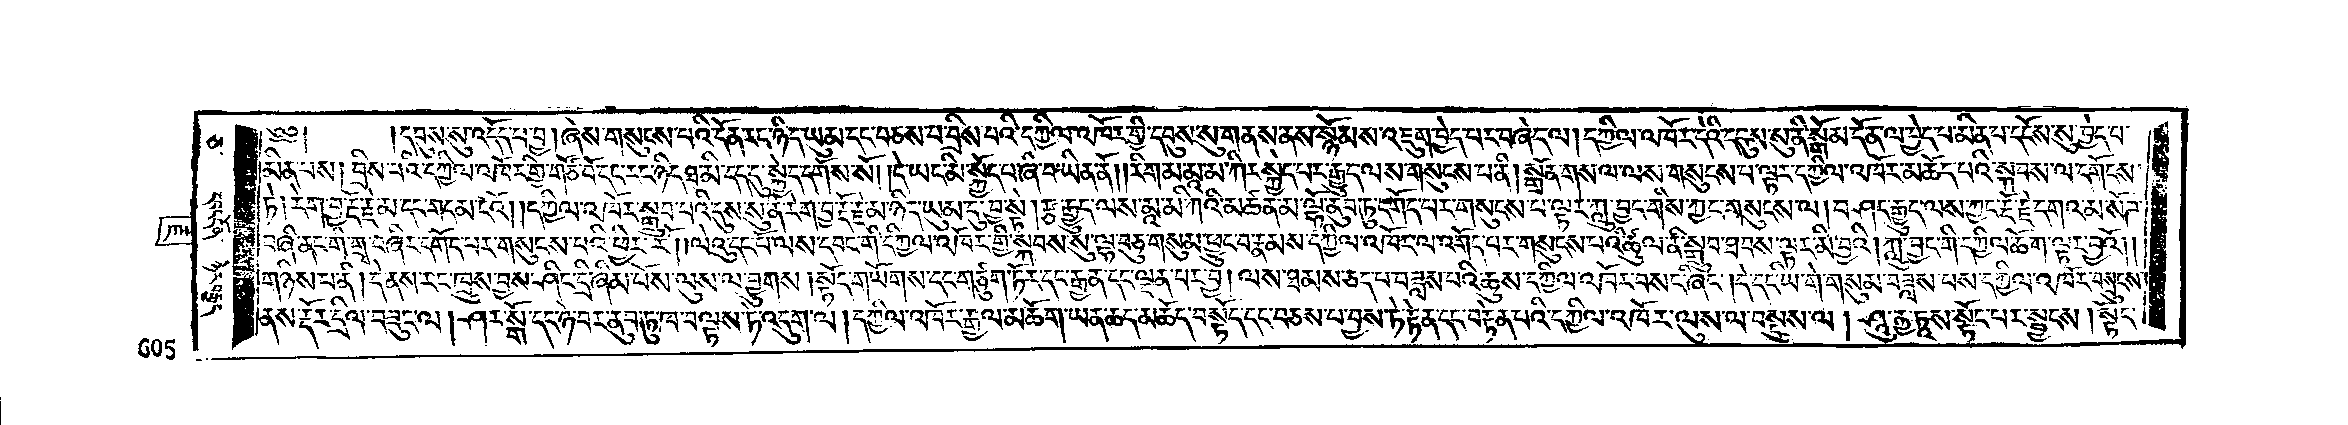༄༅། །དབུས་སུ་འདོད་པ་བྱ། ཞེས་གསུངས་པའི་དོན་རང་ཉིད་ཡུམ་དང་བཅས་པ་བྲིས་པའི་དཀྱིལ་འཁོར་གྱི་དབུས་སུ་གནས་ནས་སྙོམས་འཇུག་བྱེད་པར་བཞེད་ལ། དཀྱིལ་འཁོར་དེའི་དབུས་སུ་ནི་སྒོམ་དོན་ལ་བྱེད་པ་མིན་པ་དངོས་སུ་བྱེད་པ་
མིན་པས། བྲིས་པའི་དཀྱིལ་འཁོར་གྱི་གཙོ་བོ་དང་རང་ཉིད་ཐ་མི་དད་དུ་སྐྱེད་དགོས་སོ། །དེ་ཡང་མི་སྐྱོད་པ་ཞི་བ་ཡིན་ནོ། །རིག་མ་མཱ་མ་ཀིར་སྐྱེད་པར་རྒྱུད་ལས་གསུངས་པ་ནི། སྒྲོན་གསལ་ལས་གསུངས་པ་ལྟར་དཀྱིལ་འཁོར་མཆོད་པའི་སྐབས་ལ་དགོངས་
ཏེ། རེག་བྱ་རྡོ་རྗེ་མ་དང་གདམ་ངའོ། །དཀྱིལ་འཁོར་སྒྲུབ་པའི་དུས་སུ་ནི་རེག་བྱ་རྡོ་རྗེ་མ་ཉིད་ཡུམ་དུ་བྱ་སྟེ། རྩ་རྒྱུད་ལས་མཱ་མི་ཀའི་མཚན་མ་ལྷོ་ནུབ་ཏུ་དགོད་པར་གསུངས་པ་ལྟར་ཀླུ་བྱང་གིས་ཀྱང་གསུངས་ལ། བཤད་རྒྱུད་ལས་ཀྱང་རྡོ་རྗེ་དགའ་མ་སོགས་
བཞི་ནང་གི་གྲྭ་བཞིར་དགོད་པར་གསུངས་པའི་ཕྱིར་རོ། །ལེའུ་དང་པོ་ལས་དབང་གི་དཀྱིལ་འཁོར་གྱི་སྐབས་སུ་ལྷ་བཅུ་གསུམ་ཕྱུང་བ་རྣམས་དཀྱིལ་འཁོར་ལ་འགོད་པར་གསུངས་པའི་ཚུལ་ནི་སྒྲུབ་ཐབས་ལྟར་མི་བྱའི། ཀླུ་བྱང་གི་དཀྱིལ་ཆོག་ལྟར་བྱའོ། །
གཉིས་པ་ནི། དེ་ནས་རང་ཁྲུས་བྱས་ཤིང་དྲི་ཞིམ་པོས་ལུས་ལ་བྱུགས། སྟོད་གཡོགས་དང་གཙུག་ཏོར་དང་རྒྱན་དང་ལྡན་པར་བྱ། ལས་ཐམས་ཅད་པ་བཟླས་པའི་ཆུས་དཀྱིལ་འཁོར་བསང་ཞིང་། དེ་དང་ཡི་གེ་གསུམ་བཟླས་པས་དཀྱིལ་འཁོར་བསྲུངས་
ནས་རྡོར་དྲིལ་བཟུང་ལ། ཤར་སྒོ་དང་ཉེ་བར་ནུབ་ཏུ་ཁ་བལྟས་ཏེ་འདུག་ལ། དཀྱིལ་འཁོར་རྒྱལ་མཆོག་ཡན་ཆད་མཆོད་བསྟོད་དང་བཅས་པ་བྱས་ཏེ་རྟེན་དང་བརྟེན་པའི་དཀྱིལ་འཁོར་ལུས་ལ་བསྡུས་ལ། ཤཱུ་ནྱ་ཏཱས་སྟོང་པར་སྦྱངས། སྟོང་